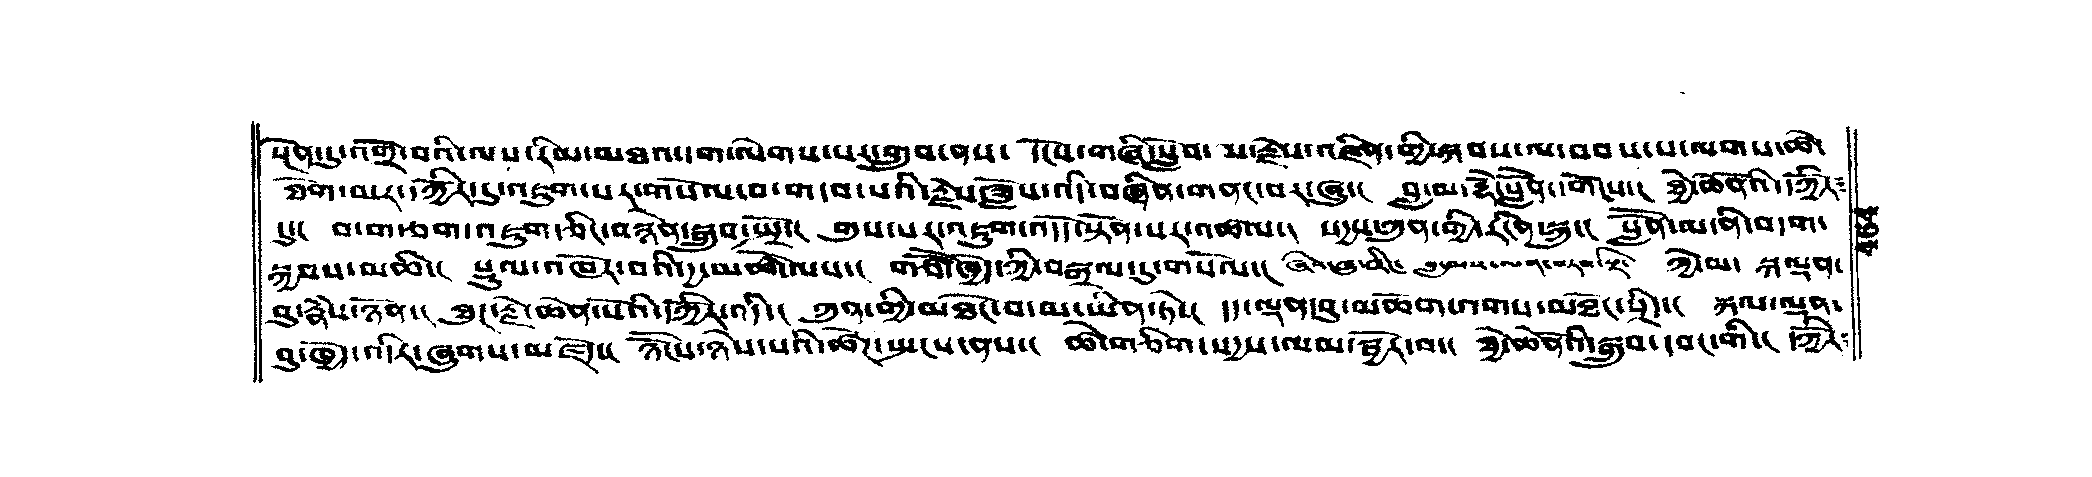སྔོན་དུ་འགྲོ་བའི་ལས་རིམ་མཐའ་དག་ལེགས་པར་གྲུབ་ནས། དངོས་གཞི་སློབ་མ་རྗེས་འཛིན་གྱི་སྐབས་ལ་བབས་པ་ལགས་ཚེ། 
ཐོག་མར་དཀྱིལ་འཁོར་དུ་འཇུག་པར་གསོལ་བ་གདབ་པའི་རྗེས་ཟློས་འདི་བཞིན་གནང་བར་ཞུ། བླ་མ་རྡོ་རྗེ་སློབ་དཔོན་དགོངས། །ཐུགས་རྗེ་ཆེན་པོའི་དཀྱིལ་འཁོར་
དུ། །བདག་ཅག་འཇུག་ཅིང་བསྙེན་སྒྲུབ་སྤྲོ། །གུས་པར་འཇུག་འདོད་སྟོན་པར་འཚལ། །སངས་རྒྱས་ཀུན་གྱི་རང་བཞིན་སྐུ། །སློབ་དཔོན་ལ་ནི་བདག་
སྐྱབས་མཆི། །སྡུག་བསྔལ་འཁོར་བའི་རྒྱ་མཚོ་ལས། །གཙོ་བོ་ཁྱོད་ཀྱི་བསྒྲལ་དུ་གསོལ། ། ཞེས་ཞུ་ཞིང་། བླ་མས་ལན་བཏབ་སྟེ། ཀྱེ་མ་སྐལ་ལྡན་
བུ་རྣམས་ཉོན། །ཐུགས་རྗེ་ཆེན་པོའི་དཀྱིལ་འཁོར་འདི། །ཀུན་གྱི་མཐོང་བ་མ་ཡིན་ཏེ། །དད་ལྡན་བུ་མཆོག་འགས་མཐོང་སྲིད། །སྐལ་ལྡན་
བུ་ཁྱོད་འདིར་ཞུགས་མཛོད། །ཉོན་མོངས་ཉེས་པའི་ཚོགས་སྤངས་ནས། །ཚེ་གཅིག་སངས་རྒྱས་ལམ་སྦྱོར་བ། །ཐུགས་རྗེ་ཆེན་པོའི་སྒྲུབ་དབང་གི་།དཀྱིལ་འཁོར་